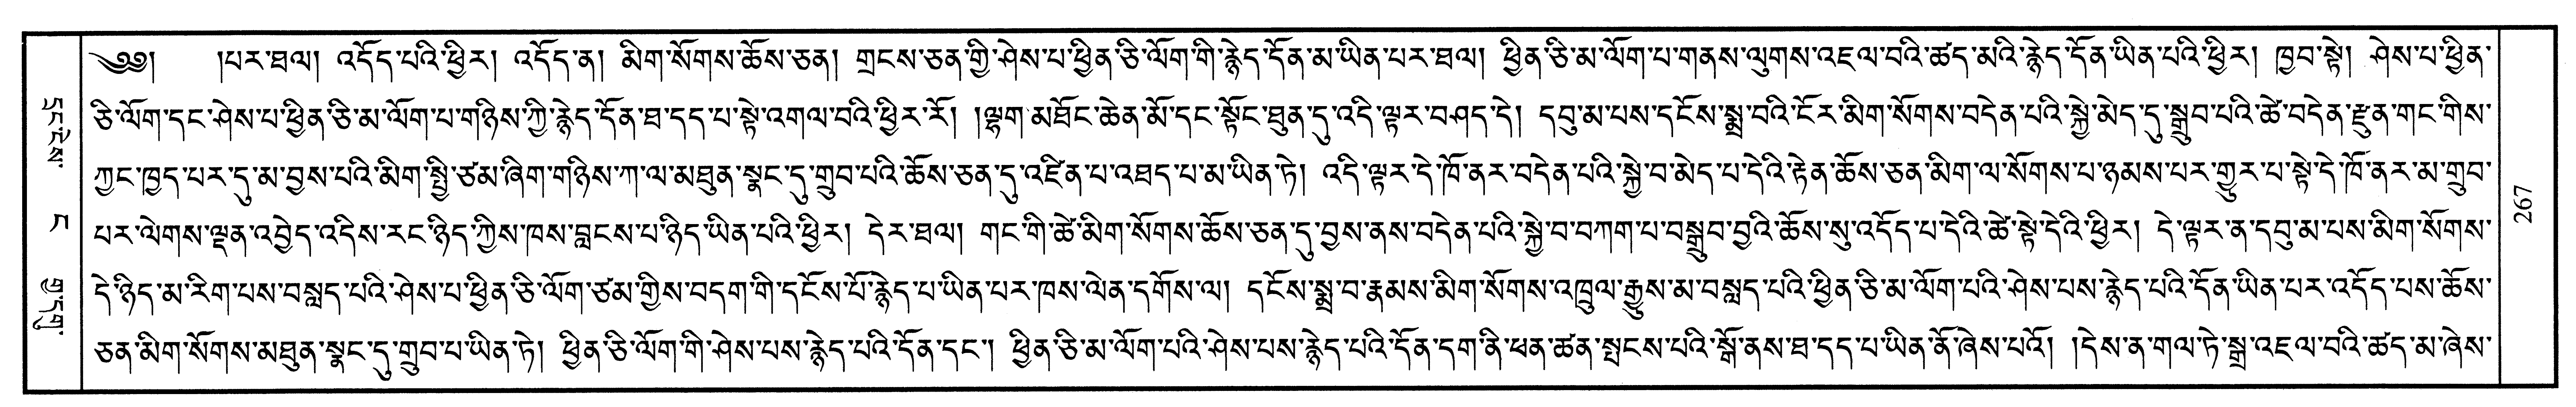༄༅། །པར་ཐལ། འདོད་པའི་ཕྱིར། འདོད་ན། མིག་སོགས་ཆོས་ཅན། གྲངས་ཅན་གྱི་ཤེས་པ་ཕྱིན་ཅི་ལོག་གི་རྙེད་དོན་མ་ཡིན་པར་ཐལ། ཕྱིན་ཅི་མ་ལོག་པ་གནས་ལུགས་འཇལ་བའི་ཚད་མའི་རྙེད་དོན་ཡིན་པའི་ཕྱིར། ཁྱབ་སྟེ། ཤེས་པ་ཕྱིན་
ཅི་ལོག་དང་ཤེས་པ་ཕྱིན་ཅི་མ་ལོག་པ་གཉིས་ཀྱི་རྙེད་དོན་ཐ་དད་པ་སྟེ་འགལ་བའི་ཕྱིར་རོ། །ལྷག་མཐོང་ཆེན་མོ་དང་སྟོང་ཐུན་དུ་འདི་ལྟར་བཤད་དེ། དབུ་མ་པས་དངོས་སྨྲ་བའི་ངོར་མིག་སོགས་བདེན་པའི་སྐྱེ་མེད་དུ་སྒྲུབ་པའི་ཚེ་བདེན་རྫུན་གང་གིས་
ཀྱང་ཁྱད་པར་དུ་མ་བྱས་པའི་མིག་སྤྱི་ཙམ་ཞིག་གཉིས་ཀ་ལ་མཐུན་སྣང་དུ་གྲུབ་པའི་ཆོས་ཅན་དུ་འཛིན་པ་འཐད་པ་མ་ཡིན་ཏེ། འདི་ལྟར་དེ་ཁོ་ནར་བདེན་པའི་སྐྱེ་བ་མེད་པ་དེའི་རྟེན་ཆོས་ཅན་མིག་ལ་སོགས་པ་ཉམས་པར་གྱུར་པ་སྟེ་དེ་ཁོ་ནར་མ་གྲུབ་
པར་ལེགས་ལྡན་འབྱེད་འདིས་རང་ཉིད་ཀྱིས་ཁས་བླངས་པ་ཉིད་ཡིན་པའི་ཕྱིར། དེར་ཐལ། གང་གི་ཚེ་མིག་སོགས་ཆོས་ཅན་དུ་བྱས་ནས་བདེན་པའི་སྐྱེ་བ་བཀག་པ་བསྒྲུབ་བྱའི་ཆོས་སུ་འདོད་པ་དེའི་ཚེ་སྟེ་དེའི་ཕྱིར། དེ་ལྟར་ན་དབུ་མ་པས་མིག་སོགས་
དེ་ཉིད་མ་རིག་པས་བསླད་པའི་ཤེས་པ་ཕྱིན་ཅི་ལོག་ཙམ་གྱིས་བདག་གི་དངོས་པོ་རྙེད་པ་ཡིན་པར་ཁས་ལེན་དགོས་ལ། དངོས་སྨྲ་བ་རྣམས་མིག་སོགས་འཁྲུལ་རྒྱུས་མ་བསླད་པའི་ཕྱིན་ཅི་མ་ལོག་པའི་ཤེས་པས་རྙེད་པའི་དོན་ཡིན་པར་འདོད་པས་ཆོས་
ཅན་མིག་སོགས་མཐུན་སྣང་དུ་གྲུབ་པ་ཡིན་ཏེ། ཕྱིན་ཅི་ལོག་གི་ཤེས་པས་རྙེད་པའི་དོན་དང་། ཕྱིན་ཅི་མ་ལོག་པའི་ཤེས་པས་རྙེད་པའི་དོན་དག་ནི་ཕན་ཚན་སྤངས་པའི་སྒོ་ནས་ཐ་དད་པ་ཡིན་ནོ་ཞེས་པའོ། །དེས་ན་གལ་ཏེ་སྒྲ་འཇལ་བའི་ཚད་མ་ཞེས་